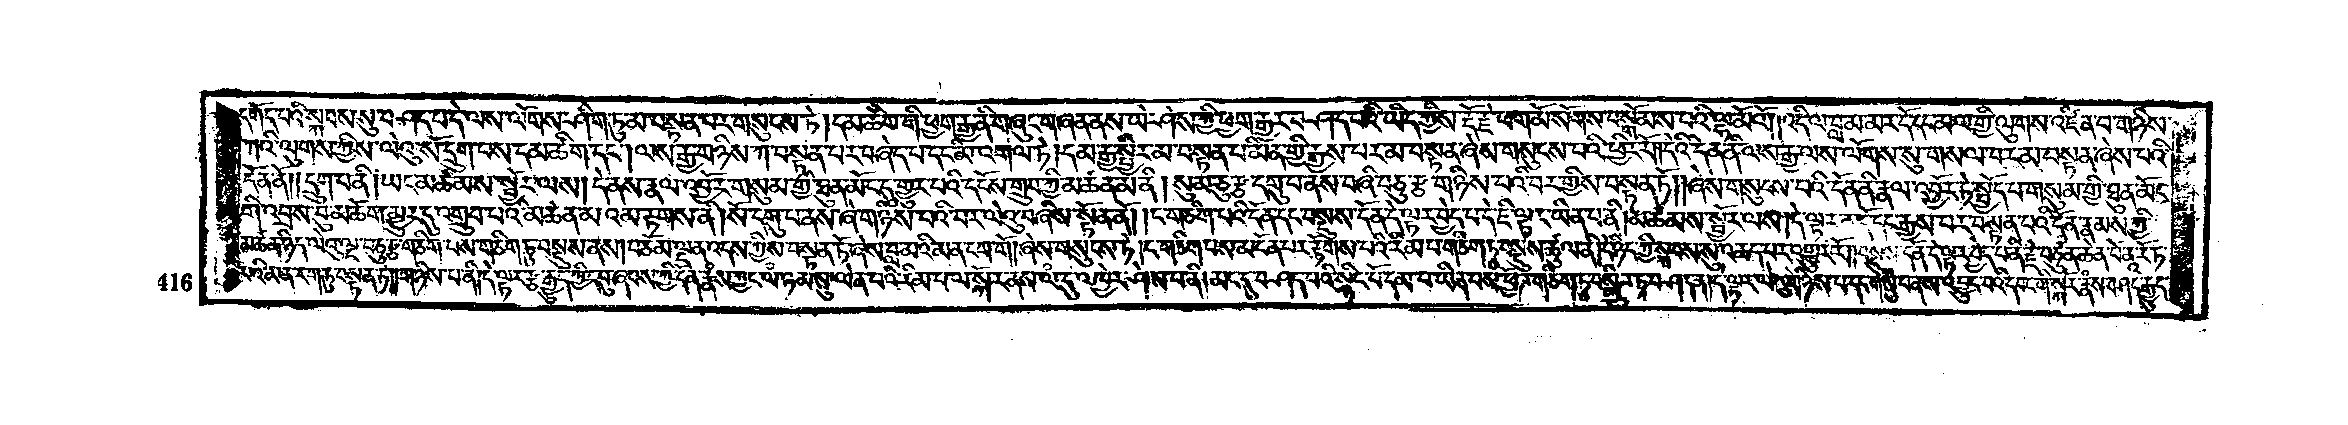དགོད་པའི་སྐབས་སུ་བཤད་པ་དེ་ལས་ལོགས་ཤིག་ཏུ་མ་བསྟན་པར་གསུངས་ཏེ། དམ་ཚིག་གི་ཕྱག་རྒྱ་ནི་གཞུང་གཞན་ནས་ཡེ་ཤེས་ཀྱི་ཕྱག་རྒྱར་བཤད་པའི་ཡིད་ཀྱིས་རྡོ་རྗེ་ཕག་མོ་སོགས་བསྒོམས་པའི་ལྷ་མོའོ། །འདི་ལ་བླ་མ་མར་དོ་དང་མལ་གྱི་ལུགས་འཛིན་པ་གཉིས་
ཀའི་ལུགས་ཀྱིས་ལེའུ་སོ་དྲུག་པས་དམ་ཚིག་དང་། ལས་རྒྱ་གཉིས་ཀ་བསྟན་པར་བཞེད་པ་དང་མི་འགལ་ཏེ། དམ་རྒྱ་སྤྱིར་མ་བསྟན་པ་མིན་གྱི་རྒྱས་པར་མ་བསྟན་ཞེས་གསུངས་པའི་ཕྱིར་རོ། །དེའི་དེན་ནི་ལས་རྒྱ་ལས་ལོགས་སུ་གསལ་བར་མ་བསྟན་ཞེས་པའི་
དོན་ནི། །དྲུག་པ་ནི། ཡང་མཚམས་སྦྱོར་ལས། དེ་ནས་རྣལ་འབྱོར་གསུམ་གྱི་ཐུན་མོང་དུ་གྱུར་པའི་དངོས་གྲུབ་ཀྱི་མཚན་མ་ནི། སུམ་ཅུ་རྩ་དགུ་པ་ནས་བཞི་བཅུ་རྩ་གཉིས་པའི་བར་གྱིས་བསྟན་ཏོ། །ཞེས་གསུངས་པའི་དོན་ནི་རྣལ་འབྱོར་ཏེ་སྤྱོད་པ་གསུམ་གྱི་ཐུན་མོང་
གི་འབྲས་བུ་མཆོག་མྱུར་དུ་འགྲུབ་པའི་མཚན་མའམ་རྟགས་ནི། སེ་དགུ་པ་ནས་ཞེ་གཉིས་པའི་བར་ལེའུ་བཞིས་སྟོན་ནོ། །ང་གཅིག་པའི་དོན་དང་བསྡུས་དོན་དེ་ལྟར་བྱེད་པ་དེ་ཇི་ལྟར་ཡིན་པ་ནི། མཚམས་སྦྱོར་ལས། དེ་ལྟར་མདོ་དང་རྒྱས་པར་བསྟན་པའི་དོན་རྣམས་ཀྱི་
མཚན་ཉིད་ལེའུ་ལྔ་བཅུ་རྩ་གཅིག་པས་གཅིག་ཏུ་བསྡུས་ནས། བཅོམ་ལྡན་འདས་ཀྱིས་བསྟན་ཏོ་ཞེས་བླ་མའི་མན་ངག་གོ །ཞེས་གསུངས་ཏེ། ང་གཅིག་པས་མངོན་པར་རྟོགས་པའི་རིམ་པ་གཅིག་ཏུ་བསྡུས་ཚུལ་ནི། དེ་ཉིད་ཀྱི་སྐབས་སུ་འཆད་པར་འགྱུར་རོ། །བསྡུས་དོན་དེ་ལྟར་བྱེད་པ་ནི་རྗེ་བཙུན་ཆེན་པོ་ནཱ་རོ་ཏ་
པའི་མན་ངག་ཏུ་བསྟན་ཏེ། གཉིས་པ་ནི། དེ་ལྟར་རྩ་རྒྱུད་ཀྱི་དབུ་ཞབས་ཀྱི་དོན་རྣམས་ཀྱང་ལམ་ཉམས་སུ་ལེན་པའི་རིམ་པ་ལ་སྐོར་ནས་ལམ་དུ་འཁྱེར་ཤེས་པ་ནི། མང་དུ་བཤད་པའི་སྙིང་པོ་དམ་པ་ཡིན་པས་ཕྱོགས་གཅིག་ཏུ་བསྒྲིགས་ཏ་བཤད་ན། དེ་ལྟར་ལེའུ་གཉིས་པ་དང་གསུམ་པ་ནས་འབྱུང་བའི་དབང་གི་སྐོར་རྣམས་བཤད་རྒྱུད་